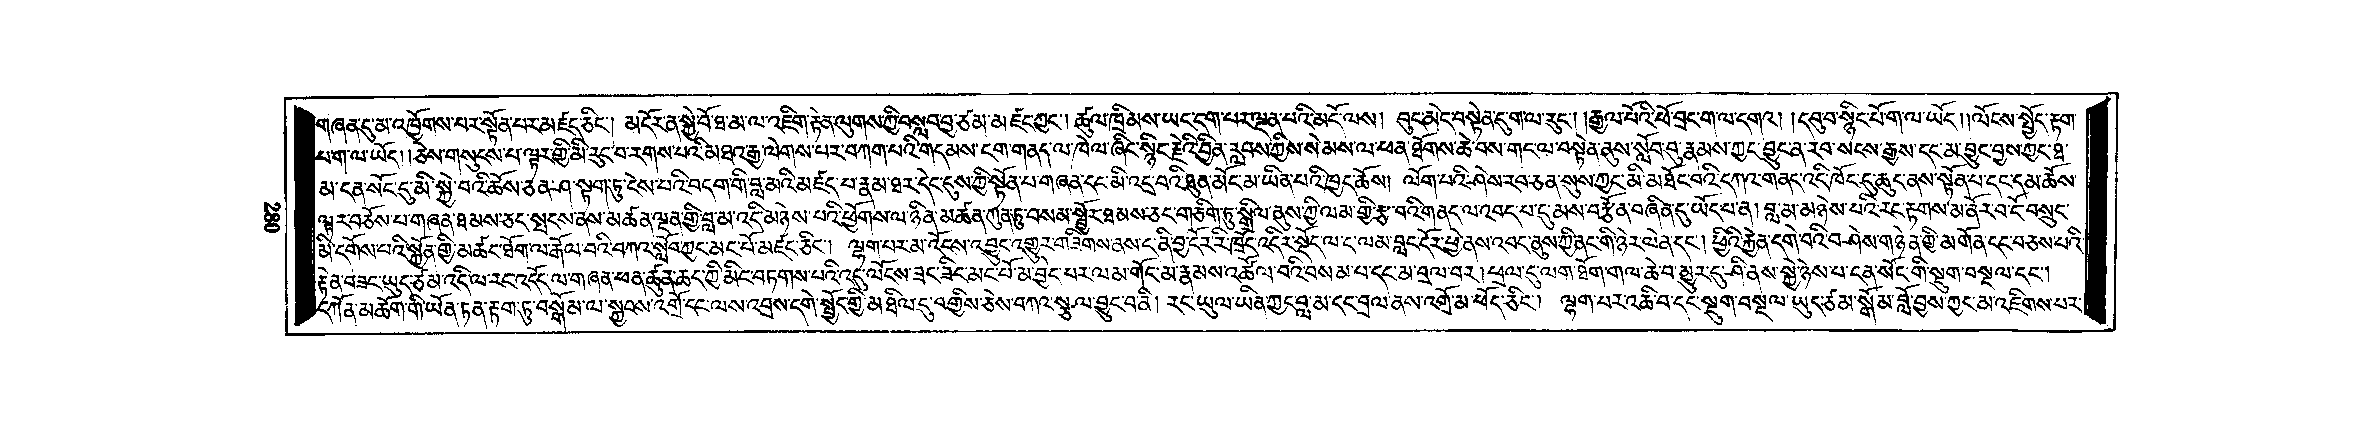གཞན་དུ་མ་འཁྱོགས་པར་སྟོན་པར་མཛད་ཅིང་། མདོར་ན་སྐྱེ་བོ་ཐ་མ་ལ་འཇིག་རྟེན་ལུགས་ཀྱི་བསླབ་བྱ་ཙམ་མཛད་ཀྱང་། ཚུལ་ཁྲིམས་ཡང་དག་པར་ལྡན་པའི་མདོ་ལས། བུད་མེད་བསྟེན་དུ་ག་ལ་རུང་། །རྒྱལ་པོའི་ཕོ་བྲང་ག་ལ་དགའ། །དབུ་བ་སྙིང་པོ་ག་ལ་ཡོད། །ལོངས་སྤྱོད་རྟག་
པ་ག་ལ་ཡོད། །ཅེས་གསུངས་པ་ལྟར་གྱི་མི་རུང་བ་རགས་པའི་མཐའ་རྒྱ་ལེགས་པར་བཀག་པའི་གདམས་ངག་གནད་ལ་ཁེལ་ཞིང་སྙིང་རྗེའི་བྱིན་རླབས་ཀྱིས་སེམས་ལ་ཕན་ཐོགས་ཆེ་བས་གང་ལ་བསྟེན་ནུས་སློབ་བུ་རྣམས་ཀྱང་བྱུང་ན་རབ་སངས་རྒྱས་དང་མ་བྱུང་བྱས་ཀྱང་ཐ་
མ་ངན་སོང་དུ་མི་སྐྱེ་བའི་ཆོས་ཅན་ཤ་སྟག་ཏུ་ངེས་པའི་བདག་གི་བླ་མའི་མཛད་པ་རྣམ་ཐར་དེང་དུས་ཀྱི་སྟོན་པ་གཞན་དང་མི་འདྲ་བའི་ཐུན་མོང་མ་ཡིན་པའི་ཁྱད་ཆོས། ལོག་པའི་ཤེས་རབ་ཅན་སུས་ཀྱང་མི་མཐོང་བའི་དཀའ་གནད་འདི་ཁོང་དུ་ཆུང་ནས་སྟོན་པ་དང་དམ་ཆོས་
ལྟར་བཅོས་པ་གཞན་ཐམས་ཅད་སྤངས་ནས་མཚན་ལྡན་གྱི་བླ་མ་འདི་མཉེས་པའི་ཕྱོགས་ལ་ཉིན་མཚན་ཀུན་ཏུ་བསམ་སྦྱོར་ཐམས་ཅད་གཅིག་ཏུ་སྒྲིལ་ནུས་ཀྱི་ལམ་གྱི་རྩ་བའི་གནད་ལ་འབད་པ་དུ་མས་བརྩོན་བཞིན་དུ་ཡོད་པ་ན། བླ་མ་མཉེས་པའི་རང་རྟགས་མ་ནོར་བ་ངོ་བསྲུང་
མི་དགོས་པའི་སྐྱོན་གྱི་མཚང་ཐོག་ལ་རྒོལ་བའི་བཀའ་སློབ་ཀྱང་མང་པོ་མཛད་ཅིང་། ལྷག་པར་མ་འོངས་འབྱུང་འགྱུར་གཟིགས་ནས་ད་ནི་བྱ་དོར་རི་ཁྲོད་འདིར་སྡོད་ལ་ད་ལམ་བླང་དོར་ཕྱེ་ནས་འབད་ནུས་ཀྱི་ནང་གི་ཉེར་ལེན་དང་། ཕྱིའི་རྐྱེན་དགེ་བའི་བཤེས་གཉེན་གྱི་མགོན་དང་བཅས་པའི་
རྟེན་བཟང་ཡུད་ཙམ་འདི་ལ་རང་འདོད་ལ་གཞན་ཕན་ཚུན་ཆད་ཀྱི་མིང་བཏགས་པའི་འདུ་ལོངས་ཟང་ཟིང་མང་པོ་མ་བྱེད་པར་ལམ་གོང་མ་རྣམས་འཚོལ་བའི་བསམ་པ་དང་མ་བྲལ་བར། ཕྲལ་དུ་ལག་ཐོག་གལ་ཆེ་བ་མྱུར་དུ་ཤི་ནས་སྐྱེ་ཉེས་པ་ངན་སོང་གི་སྡུག་བསྔལ་དང་།
དཀོན་མཆོག་གི་ཡོན་ཏན་རྟག་ཏུ་བསྒོམ་ལ་སྐྱབས་འགྲོ་དང་ལས་འབྲས་དགེ་སྦྱོང་གྱི་མཐིལ་དུ་བགྱིས་ཅེས་བཀའ་སྩལ་བྱུང་བ་ནི། རང་ཡུལ་ཡིན་ཀྱང་བླ་མ་དང་བྲལ་ནས་འགྲོ་མ་ཕོད་ཅིང་། ལྷག་པར་འཆི་བ་དང་སྡུག་བསྔལ་ཡུད་ཙམ་སྒོམ་བློ་བྱས་ཀྱང་མ་འཇིགས་པར་